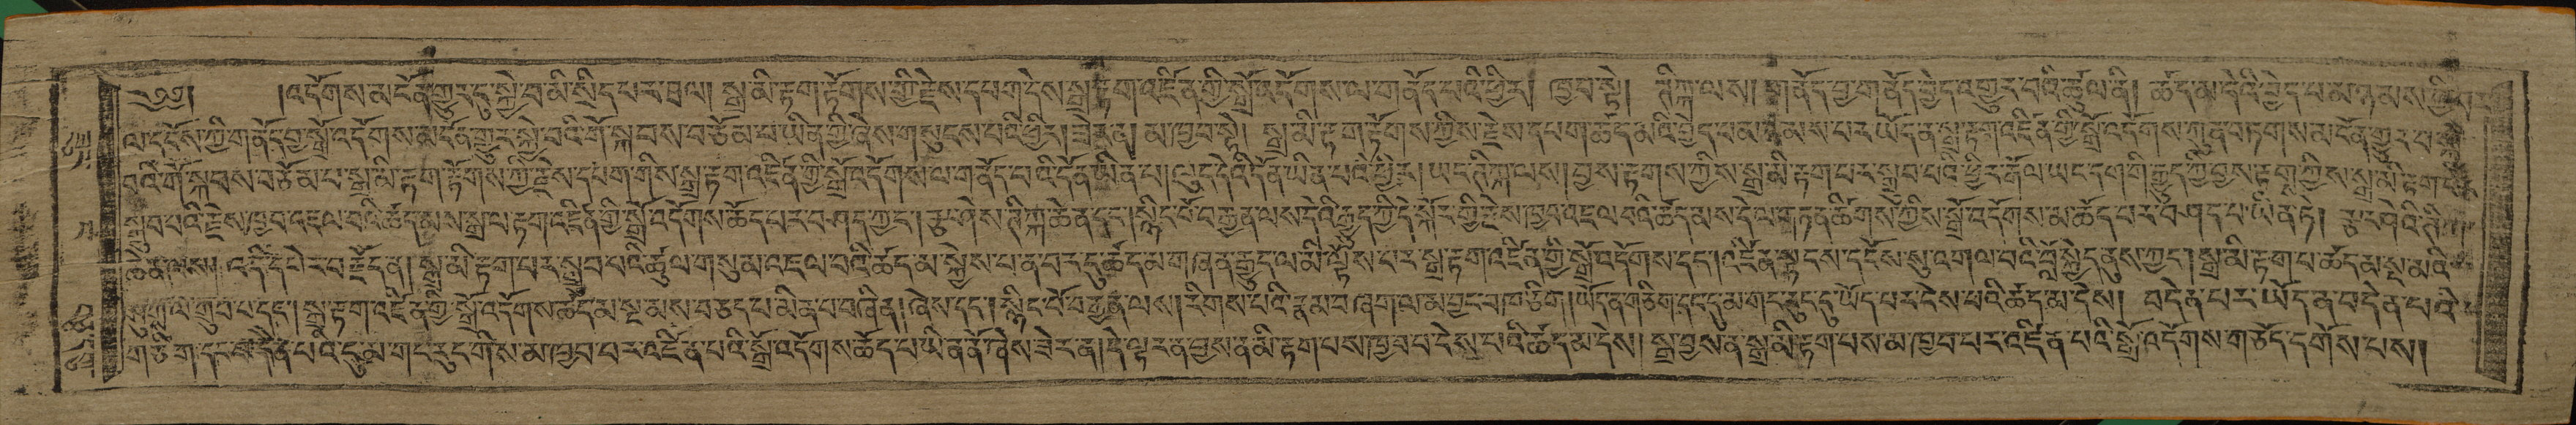༄༅། །འདོགས་མངོན་གྱུར་དུ་སྐྱེ་བ་མི་སྲིད་པར་ཐལ། སྒྲ་མི་རྟག་རྟོགས་གྱི་རྗེས་དཔག་དེས་སྒྲ་རྟག་འཛིན་གྱི་སྒྲོ་འདོགས་ལ་གནོད་པའི་ཕྱིར། ཁྱབ་སྟེ། ཊིཀྐ་ལས། གནོད་བྱ་གནོད་བྱེད་འགྱུར་བའི་ཚུལ་ནི། ཚད་མ་དེའི་བྱེད་པ་མ་ཉམས་ཀྱི་བར་
ལ་དངོས་ཀྱི་གནོད་བྱ་སྒྲོ་འདོགས་མངོན་གྱུར་སྐྱེ་བའི་གོ་སྐབས་བཅོམ་པ་ཡིན་གྱི་ཞེས་གསུངས་པའི་ཕྱིར། ཟེར་ན། མ་ཁྱབ་སྟེ། སྒྲ་མི་རྟག་རྟོགས་ཀྱིས་རྗེས་དཔག་ཚད་མའི་བྱེད་པ་མ་ཉམས་པར་ཡོད་ན་སྒྲ་རྟག་འཛིན་གྱི་སྒྲོ་འདོགས་ཀུན་བཏགས་མངོན་གྱུར་བ་སྐྱེ་
བའི་གོ་སྐབས་བཅོམ་པ་སྒྲ་མི་རྟག་རྟོགས་ཀྱི་རྗེས་དཔག་གིས་སྒྲ་རྟག་འཛིན་གྱི་སྒྲོ་འདོགས་ལ་གནོད་པའི་དོན་ཡིན་པ། ལུང་དེའི་དོན་ཡིན་པའི་ཕྱིར། ཡང་ཊིཀྐ་ལས། བྱས་རྟགས་ཀྱིས་སྒྲ་མི་རྟག་པར་སྒྲུབ་པའི་ཕྱིར་རྒོལ་ཡང་དག་གི་རྒྱུད་ཀྱི་བྱས་རྟགས་ཀྱིས་སྒྲ་མི་རྟག་པར་
སྒྲུབ་པའི་རྗེས་ཁྱབ་འཇལ་བའི་ཚད་མས་སྒྲ་ལ་རྟག་འཛིན་གྱི་སྒྲོ་འདོགས་ཆོད་པར་བཤད་ཀྱང་། རྩ་ཤེས་ཊིཀྐ་ཆེན་དང་། སྙིང་པོ་བརྒྱན་ལས་དེའི་རྒྱུད་ཀྱི་དེ་སྐོར་གྱི་རྗེས་ཁྱབ་འཇལ་བའི་ཚད་མས་དེ་ལ་གཏན་ཚིགས་ཀྱིས་སྒྲོ་འདོགས་མཆོད་པར་བཤད་པ་ཡིན་ཏེ། རྩ་ཤེའི་ཊིཀ་
ཆེན་ལས། འདི་དཔེར་བརྗོད་ན། སྒྲ་མི་རྟག་པར་སྒྲུབ་པའི་ཚུལ་གསུམ་འཇལ་བའི་ཚད་མ་སྐྱེས་པ་ན་བར་དུ་ཚད་མ་གཞན་རྒྱུད་ལ་མི་ལྟོས་པར་སྒྲ་རྟག་འཛིན་གྱི་སྒྲོ་འདོགས་དང་། འཛིན་སྟངས་དངོས་སུ་འགལ་བའི་བློ་སྐྱེད་ནུས་ཀྱང་། སྒྲ་མི་རྟག་པ་ཚད་མ་སྔ་མའི་
ཤུགས་ལ་གྲུབ་པ་དང་། སྒྲ་རྟག་འཛིན་གྱི་སྒྲོ་འདོགས་ཚད་མ་སྔ་མས་བཅད་པ་མིན་པ་བཞིན། ཞེས་དང་། སྙིང་པོ་བརྒྱན་ལས། རིགས་པའི་རྣམ་བཞག་ལ་མ་བྱང་བ་ཁ་ཅིག །ཡོད་ན་གཅིག་དང་དུ་མ་གང་རུང་དུ་ཡོད་པར་ངེས་པའི་ཚད་མ་དེས། བདེན་པར་ཡོད་ན་བདེན་པའི་
གཅིག་དང་བདེན་པའི་དུ་མ་གང་རུང་གིས་མ་ཁྱབ་པར་འཛིན་པའི་སྒྲོ་འདོགས་ཆོད་པ་ཡིན་ནོ་ཞེས་ཟེར་ན། དེ་ལྟར་ན་བྱས་ན་མི་རྟག་པས་ཁྱབ་པ་ངེས་པའི་ཚད་མ་དེས། སྒྲ་བྱས་ན་སྒྲ་མི་རྟག་པས་མ་ཁྱབ་པར་འཛིན་པའི་སྒྲོ་འདོགས་གཅོད་དགོས་པས།